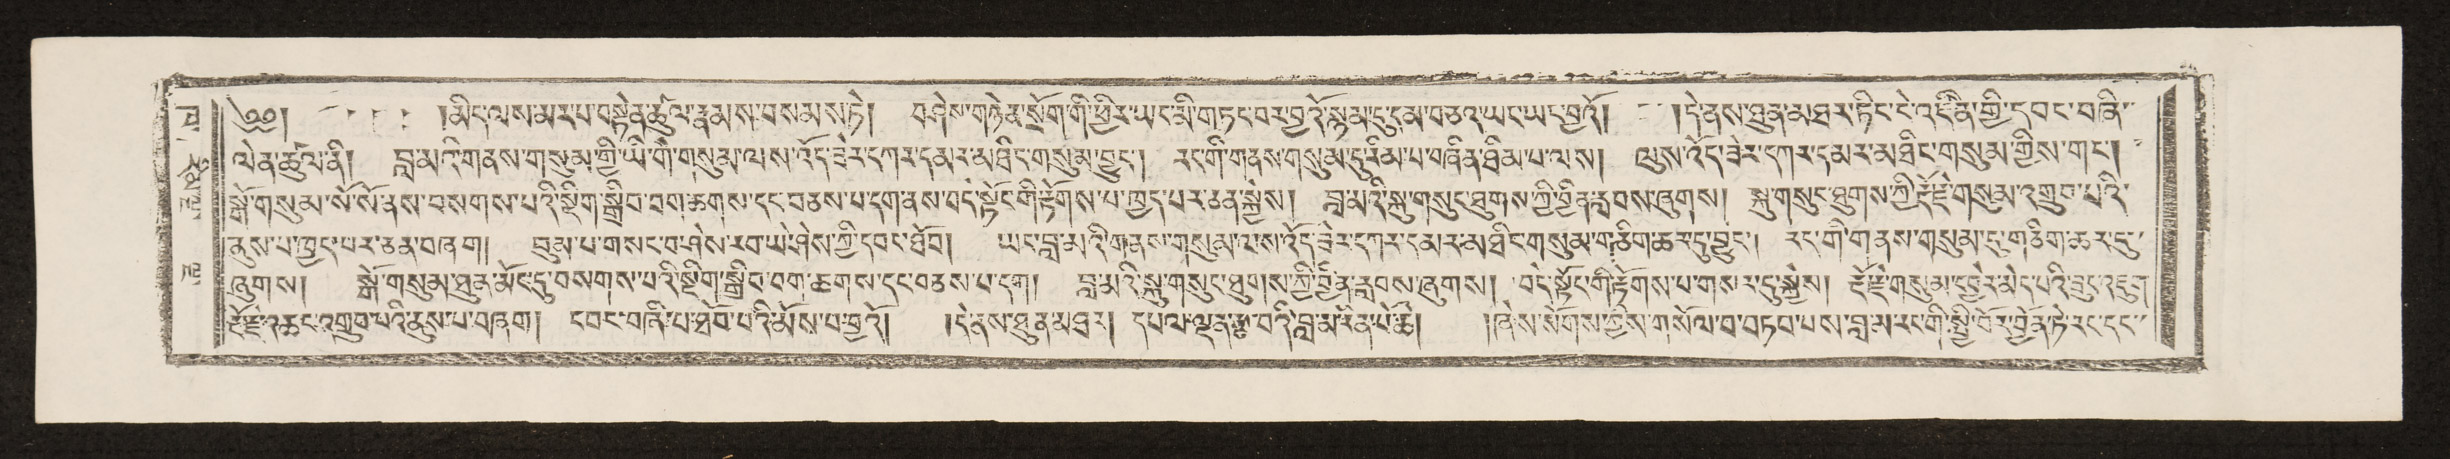༄༅། །མིད་ལས་མར་པ་བསྟེན་ཚུལ་རྣམས་བསམས་ཏེ། བཤེས་གཉེན་སྲོག་གི་ཕྱིར་ཡང་མི་བཏང་བར་བྱའོ་སྙམ་དུ་དམ་བཅའ་ཡང་ཡང་བྱའོ། །དེ་ནས་ཐུན་མཐར་ཏིང་ངེ་འཛིན་གྱི་དབང་
བཞི་ལེན་ཚུལ་ནི། བླ་མའི་གནས་གསུམ་གྱི་ཡི་གེ་གསུམ་ལས་འོད་ཟེར་དཀར་དམར་མཐིང་གསུམ་བྱུང་། རང་གི་གནས་གསུམ་དུ་རིམ་པ་བཞིན་ཐིམ་པ་ལས། ལུས་འོད་ཟེར་དཀར་དམར་མཐིང་གསུམ་གྱིས་གང་།
སྒོ་གསུམ་སོ་སོ་ནས་བསགས་པའི་སྡིག་སྒྲིབ་བག་ཆགས་དང་བཅས་པ་དག་ནས་བདེ་སྟོང་གི་རྟོགས་པ་ཁྱད་པར་ཅན་སྐྱེས། བླ་མའི་སྐུ་གསུང་ཐུགས་ཀྱི་བྱིན་རླབས་ཞུགས། སྐུ་གསུང་ཐུགས་ཀྱི་རྡོ་རྗེ་གསུམ་འགྲུབ་པའི་
ནུས་པ་ཁྱད་པར་ཅན་བཞག། བུམ་པ་གསང་བ་ཤེས་རབ་ཡེ་ཤེས་ཀྱི་དབང་ཐོབ། ཡང་བླ་མའི་གནས་གསུམ་ལས་འོད་ཟེར་དཀར་དམར་མཐིང་གསུམ་གཅིག་ཆར་དུ་བྱུང་། རང་གི་གནས་གསུམ་དུ་གཅིག་ཆར་དུ་
ཞུགས། སྒོ་གསུམ་ཐུན་མོང་དུ་བསགས་པའི་སྡིག་སྒྲིབ་བག་ཆགས་དང་བཅས་པ་དག། བླ་མའི་སྐུ་གསུང་ཐུགས་ཀྱི་བྱིན་རླབས་ཞུགས། བདེ་སྟོང་གི་རྟོགས་པ་གསར་དུ་སྐྱེས། རྡོ་རྗེ་གསུམ་དབྱེར་མེད་པའི་ཟུང་འཇུག་
རྡོ་རྗེ་འཆང་འགྲུབ་པའི་ནུས་པ་བཞག། དབང་བཞིབ་ཐོབ་པའི་མོས་པ་བྱའོ། །དེ་ནས་ཐུན་མཐར། དཔལ་ལྡན་རྩ་བའི་བླ་མ་རིན་པོ་ཆེ། ཞེས་སོགས་ཀྱིས་གསོལ་བ་བཏབ་པས་བླ་མ་རང་གི་སྤྱི་བོར་བྱོན་ཏེ་རང་དང་